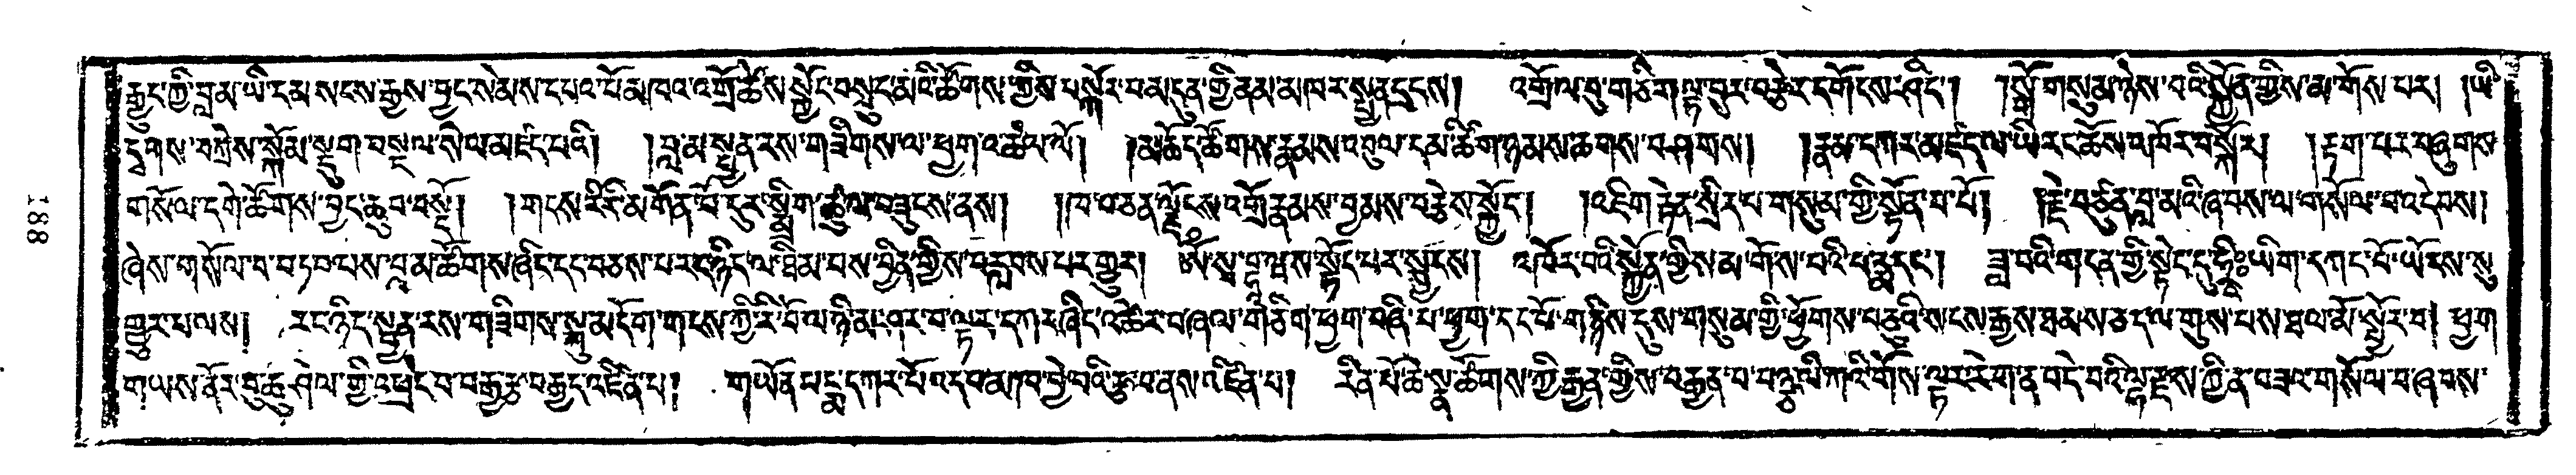རྒྱུད་ཀྱི་བླ་མ་ཡི་དམ་སངས་རྒྱས་བྱང་སེམས་དཔའ་པོ་མཁའ་འགྲོ་ཆོས་སྐྱོང་བསྲུང་མའི་ཚོགས་ཀྱིས་བསྐོར་བ་མདུན་གྱི་ནམ་མཁར་སྤྱན་དྲངས། འགྲོ་ལ་བུ་གཅིག་ལྟ་བུར་བརྩེར་དགོངས་ཤིང་། །སྒོ་གསུམ་ཉེས་བའི་སྐྱོན་གྱིས་མ་གོས་པར། །ཡི་
དྭགས་བཀྲེས་སྐོམ་སྡུག་བསྔལ་སེལ་མཛད་པའི། །བླ་མ་སྤྱན་རས་གཟིགས་ལ་ཕྱག་འཚལ་ལོ། །མཆོད་ཚོགས་རྣམས་འབུལ་དམ་ཚིག་ཉམས་ཆགས་བཤགས། །རྣམ་དཀར་མཛད་ལ་ཡི་རང་ཆོས་འཁོར་བསྐོར། །རྟག་པར་བཞུགས་
གསོལ་དགེ་ཚོགས་བྱང་ཆུབ་བསྔོ། །གངས་རི་རི་མགོན་པོ་དུར་སྨྲིག་ཚུལ་བཟུངས་ནས། །ཁ་བ་ཅན་ལྗོངས་འགྲོ་རྣམས་བྱམས་བརྩེས་སྐྱོང་། །འཇིག་རྟེན་སྲིད་པ་གསུམ་གྱི་སྟོན་པ་པོ། །རྗེ་བཙུན་བླ་མའི་ཞབས་ལ་གསོལ་བ་འདེབས།
ཞེས་གསོལ་བ་བཏབ་པས་བླ་མ་ཚོགས་ཞིང་དང་བཅས་པ་རང་ཉིད་ལ་ཐིམ་པས་བྱིན་གྱིས་བརླབས་པར་གྱུར། ཨོཾ་སྭ་བྷཱ་ཝས་སྟོང་པར་སྦྱངས། འཁོར་བའི་སྐྱོན་གྱིས་མ་གོས་པའི་པདམ་དང་། ཟླ་བའི་གདན་གྱི་སྟེང་དུ་ཧྲཱིཿ ཡིག་དཀར་པོ་ཡོངས་སུ་
གྱུར་པ་ལས། རང་ཉིད་སྤྱན་རས་གཟིགས་སྐུ་མདོག་གངས་ཀྱི་རི་བོ་ལ་ཉི་མ་ཤར་བ་ལྟར་དཀར་ཞིང་འཚེར་བ་ཞལ་གཅིག་ཕྱག་བཞི་པ་ཕྱག་དང་པོ་གཉིས་དུས་གསུམ་གྱི་ཕྱོགས་བཅུའི་སངས་རྒྱས་ཐམས་ཅད་ལ་གུས་པས་ཐལ་མོ་སྤྱོར་བ། ཕྱག་
གཡས་ནོར་བུ་ཆུ་ཤེལ་གྱི་འཕྲེང་བ་བརྒྱ་རྩ་བརྒྱད་འཛིན་པ། གཡོན་པདམ་དཀར་པོ་འདབ་མ་ཁ་བྱེ་བའི་རྩ་བ་ནས་འཛིན་པ། རིན་པོ་ཆེ་སྣ་ཚོགས་ཀྱི་རྒྱན་གྱིས་བརྒྱན་པ་པཉྩ་ལི་ཀའི་གོས་ལྟར་རེག་ན་བདེ་བའི་ལྷ་རྫས་ཀྱི་ན་བཟའ་གསོལ་བ་ཞབས་